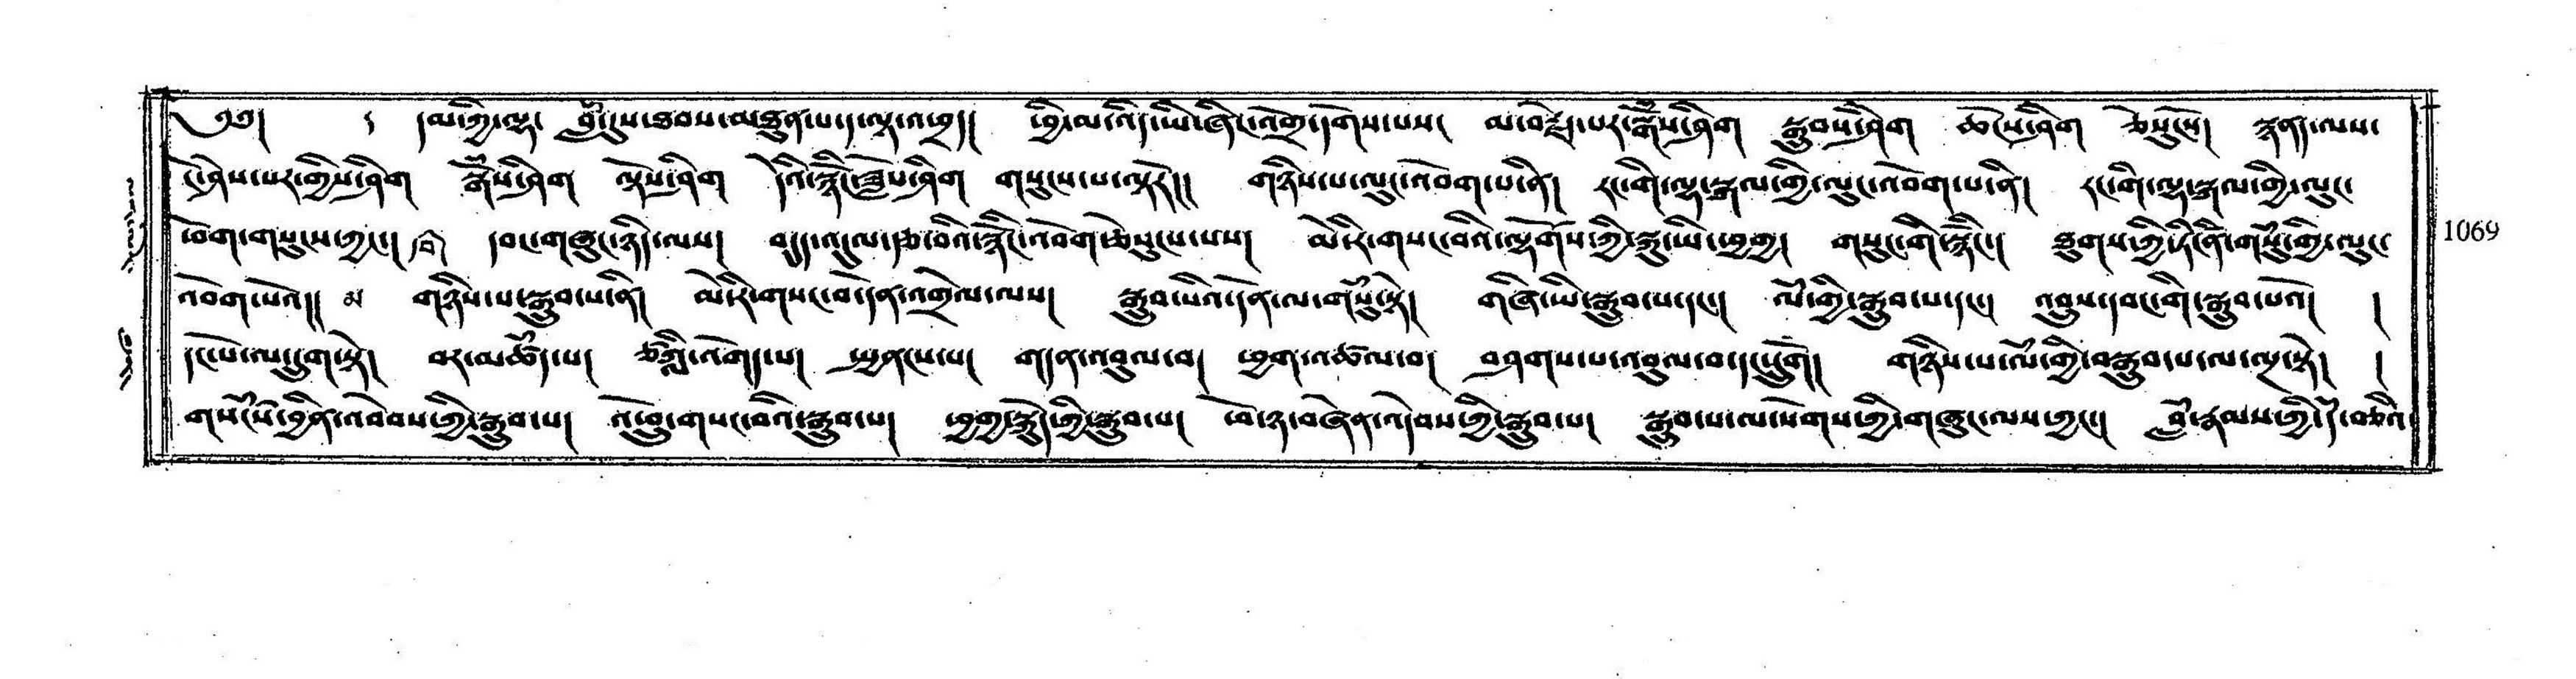དམ་ཀྱི་ལྷ། བླ་མ་དུས་ཐབས་མཐུན་པ་ད་ལྟ་འཕྲད། ཕྱི་མ་འདི་ཡི་ཞིང་འགྲོ་དགོས་པས། མ་བརྗེད་པར་སྒོམས་ཤིག སྒྲུབས་ཤིག ཆོངས་ཤིག ཅེས་གསུངས་སོ། སྙན་རྒྱུད་ལས་
ངོ་ཤེས་པར་གྱིས་ཤིག སྒོམས་ཤིག ལྟོས་ཤིག དེའི་སྙིང་པོ་ཟློས་ཤིག གསུངས་པ་ལྟར་རོ།། གཉིས་པ་ལུང་འབོག་པ་ནི། རང་གི་ལྷ་སྒལ་གྱི་ལུང་འབོག་པ་ནི། རང་གི་ལྷ་སྐལ་གྱི་ལུང་
ཕོག་གསུངས་ཀྱང་། ༼བ༽ དབང་གཞུང་ཉིད་ལས། བདུད་འདུལ་རྩ་བའི་སྙིང་པོ་འབོག་ཅེས་གསུངས་པས། མེ་རི་གསང་བའི་ལྷ་ཚོགས་ཀྱི་སྐུ་ཡི་ཕྱག་རྒྱ། གསུང་གི་སྙིང་པོ། ཐུགས་ཀྱི་ཏིང་འཛིན་གསུམ་གྱི་ལུང་
འབོག་པའོ།། མ གཉིས་པ་སྒྲུབ་པ་ནི། མེ་རི་གསང་བ་དོན་འགྲེལ་ལས། སྒྲུབ་པའི་དོན་ལ་གསུམ་སྟེ། གཞི་ཡི་སྒྲུབ་པ་དང་། ལམ་གྱི་སྒྲུབ་པ་དང་། འབྲས་བུ་དབང་གི་སྒྲུབ་པའོ། 
དང་པོ་ལ་དྲུག་སྟེ། བར་མཚམས་བཅད་པ། ཙཀླི་འགོད་པ། སྤྱན་དྲངས་པ། གདན་འབུལ་བ། ཕྱག་འཚལ་བ། བཤགས་པ་འབུལ་བ་དང་དྲུག་གོ གཉིས་པ་ལམ་གྱི་བསྒྲུབ་པ་ལ་ལྔ་སྟེ། 
གསང་མཚམས་བྱིན་འབེབས་ཀྱི་སྒྲུབ་པ། འཕྲོ་འདུ་གསང་བའི་སྒྲུབ་པ། ཕྱག་རྒྱ་སྐུ་བསྟོད་ཀྱི་སྒྲུབ་པ། ཕོ་ཉ་བཞེན་འདེབས་ཀྱི་སྒྲུབ་པ། སྒྲུབ་པ་ལ་སོགས་ཀྱི་གཞུང་ལས་ཀྱང་། བླ་མ་རྣམས་ཀྱི་དམ་བཅའི་